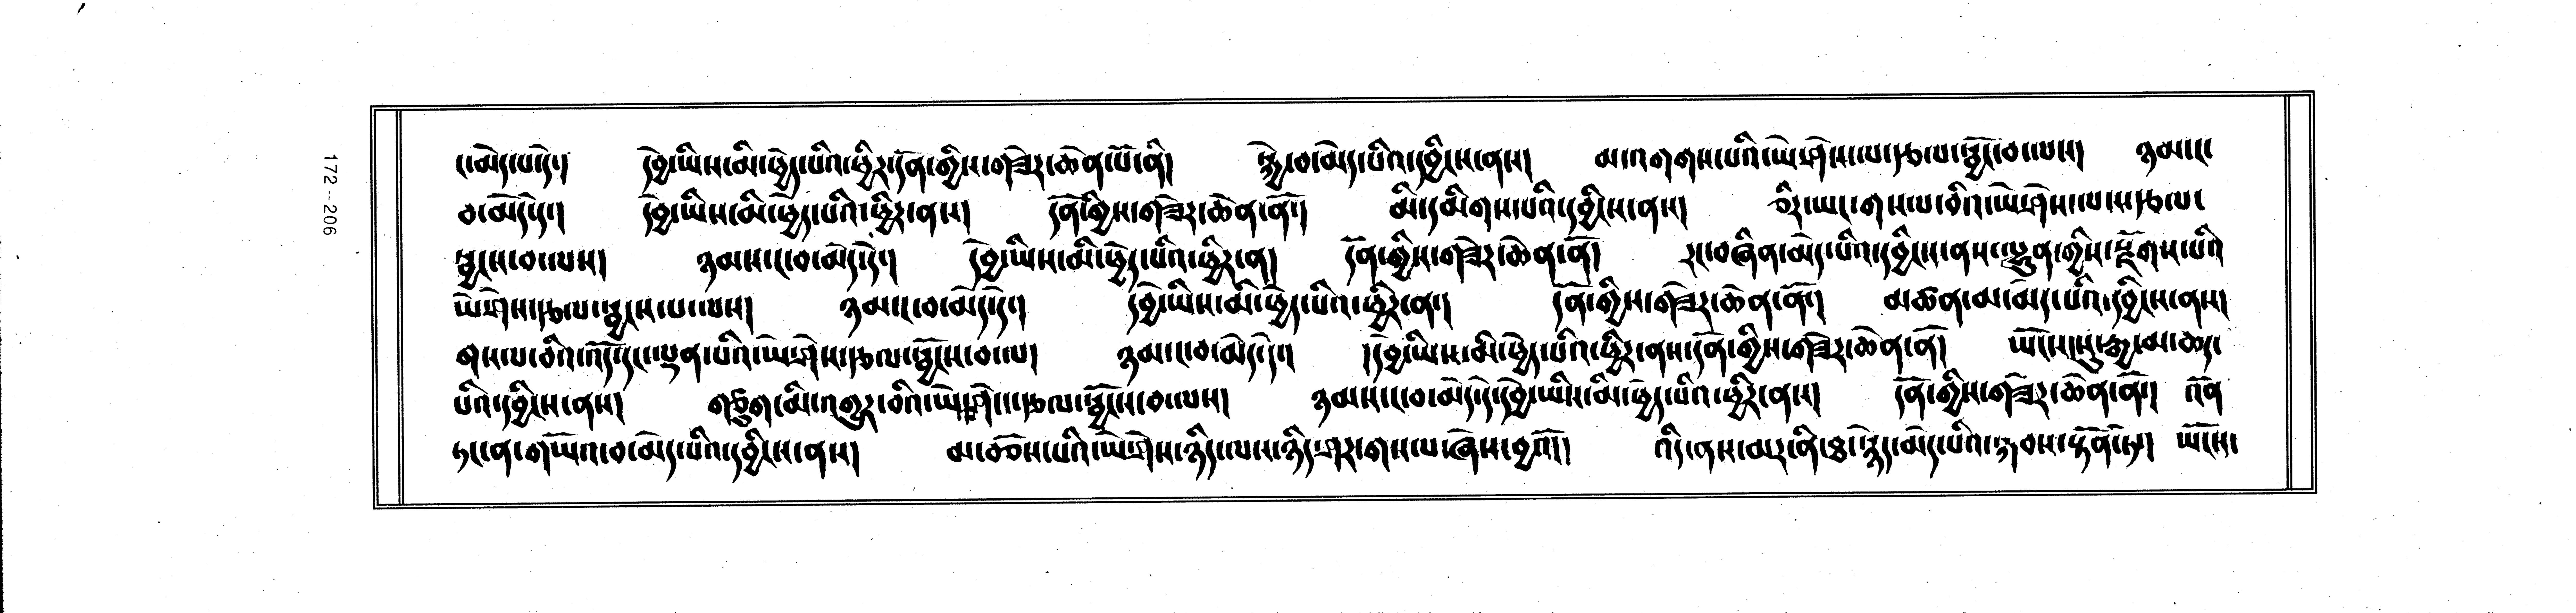མེད་པ་དེ། དབྱེ་ཡིས་མི་ཕྱེད་པའི་ཕྱིར་དོན་གྱིས་གཟེར་ཆེན་པོ་ནི། སྐྱེ་བ་མེད་པའི་དབྱིངས་ནས། མ་འགགས་པའི་ཡེ་ཤེས་ལ་རྩལ་སྦྱོང་བ་ལས། ཉམས་ང་
བ་མེད་དེ། དབྱེ་ཡིས་མི་ཕྱེད་པའི་ཕྱིར་ནས། དོན་གྱིས་གཟེར་ཆེན་ནོ། མི་དམིགས་པའི་དབྱིངས་ནས། ཅིར་ཡང་གསལ་བའི་ཡེ་ཤེས་ལས་རྩལ་
སྦྱངས་བ་ལས། ཉམས་ང་བ་མེད་དེ། དབྱེ་ཡིས་མི་ཕྱེད་པའི་ཕྱིར་ན། དོན་གྱིས་གཟེར་ཆེན་ནོ། རང་བཞིན་མེད་པའི་དབྱིངས་ནས་ལྷུན་གྱིས་རྫོགས་པའི་
ཡེ་ཤེས་རྩལ་སྦྱངས་པ་ལས། ཉམ་ང་བ་མེད་དེ། དབྱེ་ཡིས་མི་ཕྱེད་པའི་ཕྱིར་ན། དོན་གྱིས་གཟེར་ཆེན་ནོ། མཚན་མ་མེད་པའི་དབྱིངས་ནས། 
གསལ་བའི་འོད་དང་ལྡན་པའི་ཡེ་ཤེས་རྩལ་སྦྱངས་བ་ལ། ཉམ་ང་བ་མེད་དེ། དབྱེ་ཡིས་མི་ཕྱེད་པའི་ཕྱིར་ནས་དོན་གྱིས་གཟེར་ཆེན་ནོ། ཡོངས་སུ་རྒྱ་མ་ཆད་
པའི་དབྱིངས་ནས། གཙུག་མི་འགྱུར་བའི་ཡེ་ཤེས་རྩལ་སྦྱངས་བ་ལས། ཉམས་ང་བ་མེད་དེ་དབྱེ་ཡིས་མི་ཕྱེད་པའི་ཕྱིར་ནས། དོན་གྱིས་གཟེར་ཆེན་ནོ། འོན་
ཏང་ན་གཡོའ་བ་མེད་པའི་དབྱིངས་ནས། མ་བཅོས་པའི་ཡེ་ཤེས་ཉིད་ལས་ཉིད་ཤར་གསལ་ཞེས་བྱའོ། འདི་ནས་མར་ནི་ཐ་སྙེད་པའི་སྐབས་སྟོན་ཏེ། ཡང་སེམས་ཀྱིས་